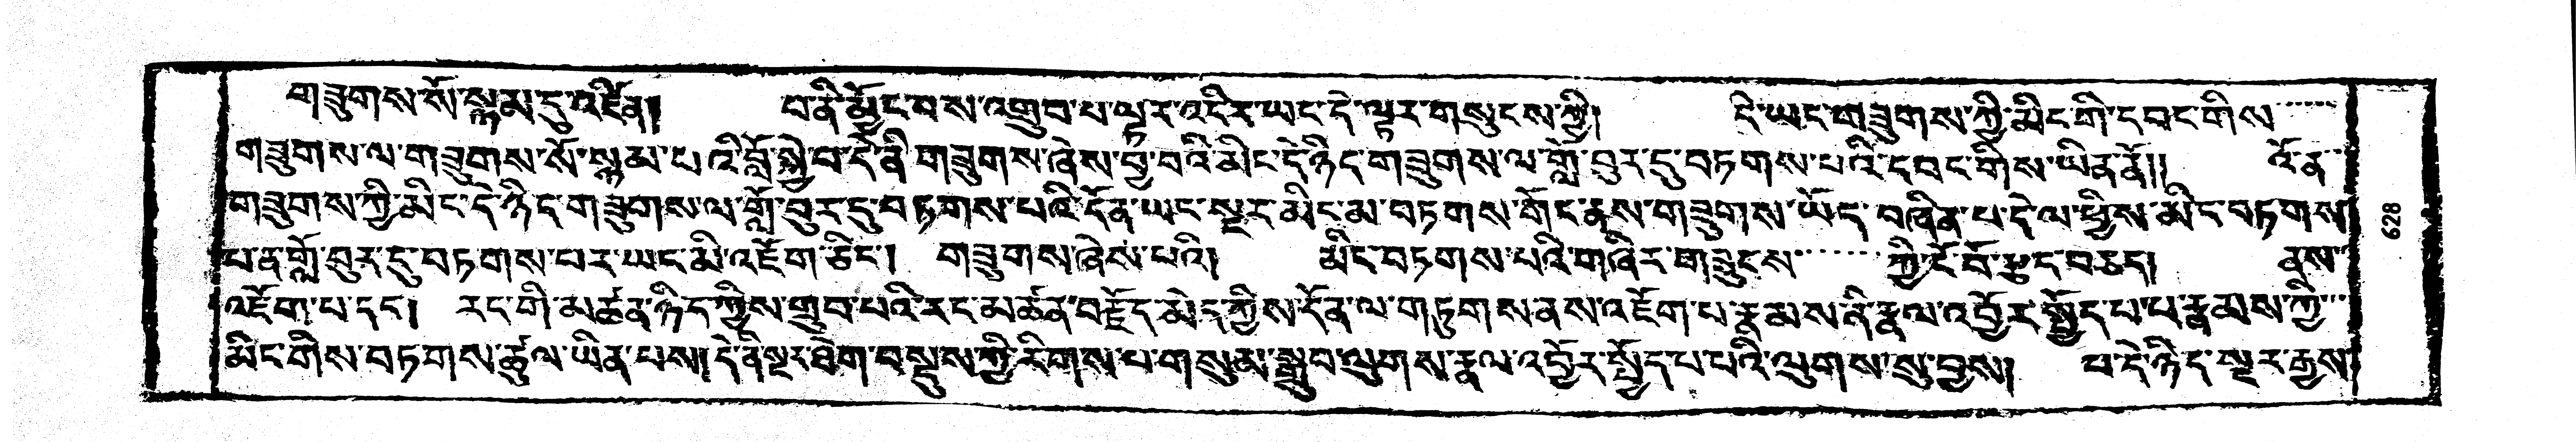གཟུགས་སོ་སྙམ་དུ་འཛིན། པ་ནི་མྱོང་བས་འགྲུབ་པ་ལྟར་འདིར་ཡང་དེ་ལྟར་གསུངས་ཀྱི། དེ་ཡང་གཟུགས་ཀྱི་མིང་གི་དབང་གིས་
གཟུགས་ལ་གཟུགས་སོ་སྙམ་པའི་བློ་སྐྱེ་བ་དེ་ནི་གཟུགས་ཞེས་བྱ་བའི་མིང་དེ་ཉིད་གཟུགས་ལ་གློ་བུར་དུ་བཏགས་པའི་དབང་གིས་ཡིན་ནོ། །འོ་ན་
གཟུགས་ཀྱི་མིང་དེ་ཉིད་གཟུགས་ལ་གློ་བུར་དུ་བཏགས་པའི་དོན་ཡང་སྔར་མིང་མ་བཏགས་གོང་ནས་གཟུགས་ཡོད་བཞིན་པ་དེ་ལ་ཕྱིས་མིང་བཏགས་
པ་ན་གློ་བུར་དུ་བཏགས་པར་ཡང་མི་འཇོག་ཅིང་། གཟུགས་ཞེས་པའི། མིང་བཏགས་པའི་གཞིར་གཟུངས་ཀྱི་ངོ་བོ་རྩད་བཅད། ནས་
འཇོག་པ་དང་། རང་གི་མཚན་ཉིད་ཀྱིས་གྲུབ་པའི་རང་མཚན་བརྗོད་མེད་ཀྱིས་དོན་ལ་གཏུགས་ནས་འཇོག་པ་རྣམས་ནི་རྣལ་འབྱོར་སྤྱོད་པ་པ་རྣམས་ཀྱི་
མིང་གིས་བཏགས་ཚུལ་ཡིན་པས། དེ་ནི་སྔར་ཐེག་བསྡུས་ཀྱི་རིགས་པ་གསུམ་སྒྲུབ་ལུགས་རྣལ་འབྱོར་སྤྱོད་པ་པའི་ལུགས་སུ་བྱས། པ་དེ་ཉིད་སྔར་རྒྱས་